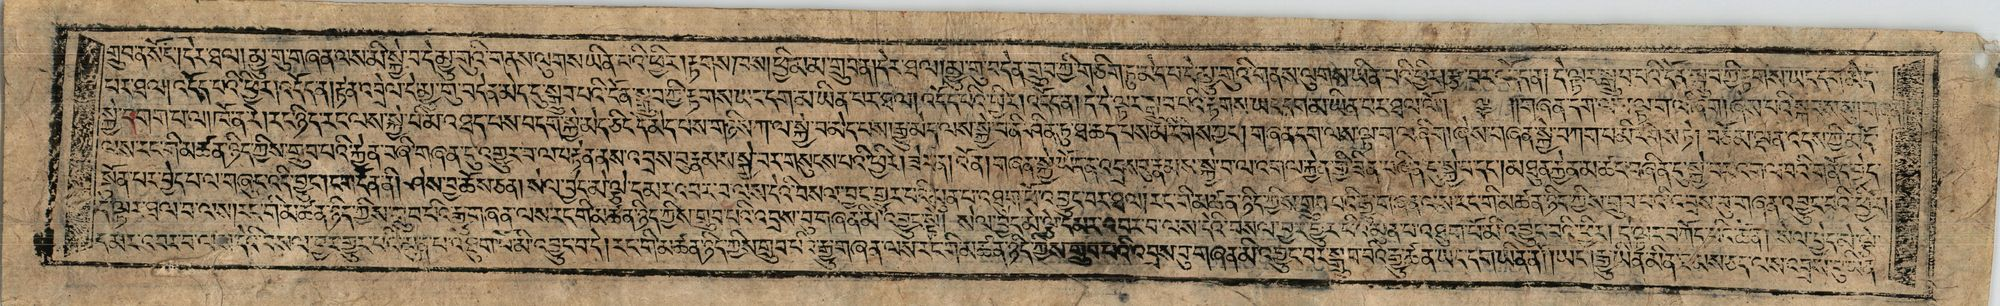གྲུབ་ན་སོང་། དེར་ཐལ། མྱུ་གུ་གཞན་ལས་མི་སྐྱེ་བ་དེ་མྱུ་གུའི་གནས་ལུགས་ཡིན་པའི་ཕྱིར། རྟགས་ཁས། ཕྱི་མ་མ་གྲུབ་ན། དེར་ཐལ། མྱུ་གུ་བདེན་གྲུབ་ཀྱི་གཅིག་ཏུ་མེད་པ་དེ་མྱུ་གུའི་གནས་ལུགས་ཡིན་པའི་ཕྱིར། རྩ་བར་འདོད་ན། དེ་ལྟར་སྒྲུབ་པའི་དོན་སྒྲུབ་ཀྱི་རྟགས་ཡང་དག་མེད་
པར་ཐལ། འདོད་པའི་ཕྱིར། འདོད་ན། རྟེན་འབྲེལ་དེ་མྱུ་གུ་བདེན་མེད་དུ་སྒྲུབ་པའི་དོན་སྒྲུབ་ཀྱི་རྟགས་ཡང་དག་མ་ཡིན་པར་ཐལ། འདོད་པའི་ཕྱིར། འདོད་ན། དེ་དེ་ལྟར་སྒྲུབ་པའི་རྟགས་ཡང་དག་མ་ཡིན་པར་ཐལ་ལོ།། ༈ །།གཞན་དག་ལས་ལྟག་ལ་ཞིག །ཞེས་པའི་སྐབས་སུ། གཞན་
སྐྱེ་དགག་པ་ལ། ཁོ་ན་རེ། རང་ཉིད་རང་ལས་སྐྱེ་བ་མི་འཐད་པས་བདག་སྐྱེ་མེད་ཅིང་དེ་མེད་པས་གཉིས་ཀ་ལ་སྐྱེ་བ་མེད་པས། རྒྱུ་མེད་ལས་སྐྱེ་བ་ནི་ཤིན་ཏུ་ཐ་ཆད་པས་མ་རིགས་ཀྱང་། གཞན་དག་ལས་ལྟ་ག་ལ་ཞིག །ཞེས་གཞན་སྐྱེ་བཀག་པ་མི་རིགས་ཏེ། བཅོམ་ལྡན་འདས་ཀྱི་མདོ་
ལས་རང་གི་མཚན་ཉིད་ཀྱིས་གྲུབ་པའི་རྐྱེན་བཞིན་གཞན་དུ་འགྱུར་བ་ལ་བརྟེན་ནས་འབྲས་བུ་རྣམས་སྐྱེ་བར་གསུངས་པའི་ཕྱིར། ཟེར་ན། འོ་ན། གཞན་སྐྱེ་ཡོད་ན་འབྲས་བུ་རྣམས་སྐྱེ་བ་ལ་འགལ་རྐྱེན་གྱི་ཟིན་བཞིན་དུ་སྐྱེ་བ་དང་། མཚུནྲྐྱེན་མ་ཚང་བཞིན་དུ་སྐྱེ་བར་འགལ་བའི་གནོད་བྱེད་
སྟོན་པར་བྱེད་པ་ལ་གཟུང་འདི་བྱུང་། ངག་དོན་ནི། ཤེས་བྱ་ཆོས་ཅན། སེལ་བྱད་མེ་ལྕེ་དམར་འབར་བ་ལས་དེའི་བསལ་བྱར་གྱུར་པའི་མུན་པ་འཐུག་པོ་འབྱངྦར་ཐལ། རང་གི་མཚན་ཉིད་ཀྱིས་གྲུབ་པའི་རྒྱུ་གཞན་ལས་རང་གི་མཚན་ཉིད་ཀྱིས་གྲུབ་པའི་འབྲས་བུ་གཞན་འབྱུང་བའི་ཕྱིར།
དེ་ལྟར་ཐལ་བ་ལས། རང་གི་མཚན་ཉིད་ཀྱིས་གྲུབ་པའི་རྒྱུ་གཞན་ལས་རང་གི་མཚན་ཉིད་ཀྱིས་གྲུབ་པའི་འབྲས་བུ་གཞན་མི་འབྱུང་སྟེ། སེལ་བྱེད་མེ་ལྕེ་དམར་འབར་བ་ལས་དེའི་བསལ་བྱར་གྱུར་པའི་མུན་པ་འཐུག་པོ་མི་འབྱུང་བའི་ཕྱིར། དེ་ལྟར་བཀོད་པའི་ཚེ་ན། སེལ་བྱེད་མེ་ལྕེ་
དམར་འབར་བ་ལས་དེའི་བསལ་བྱར་གྱུར་པའི་མུན་པ་འཐུག་པོ་མི་འབྱུང་བ་དེ། རང་གི་མཚན་ཉིད་ཀྱིས་གྲུབ་པའི་རྒྱུ་གཞན་ལས་རང་གི་མཚན་ཉིད་ཀྱིས་གྲུབ་པའི་འབྲས་བུ་གཞན་མི་འབྱུང་བར་སྒྲུབ་པའི་རྒྱུ་ཚན་ཡང་དག་ཡིན་ནོ། །ཡང་། རྒྱུ་ཡིན་མིན་ཐམས་ཅད་ལས་འབྲས་བུ་ཡིན་